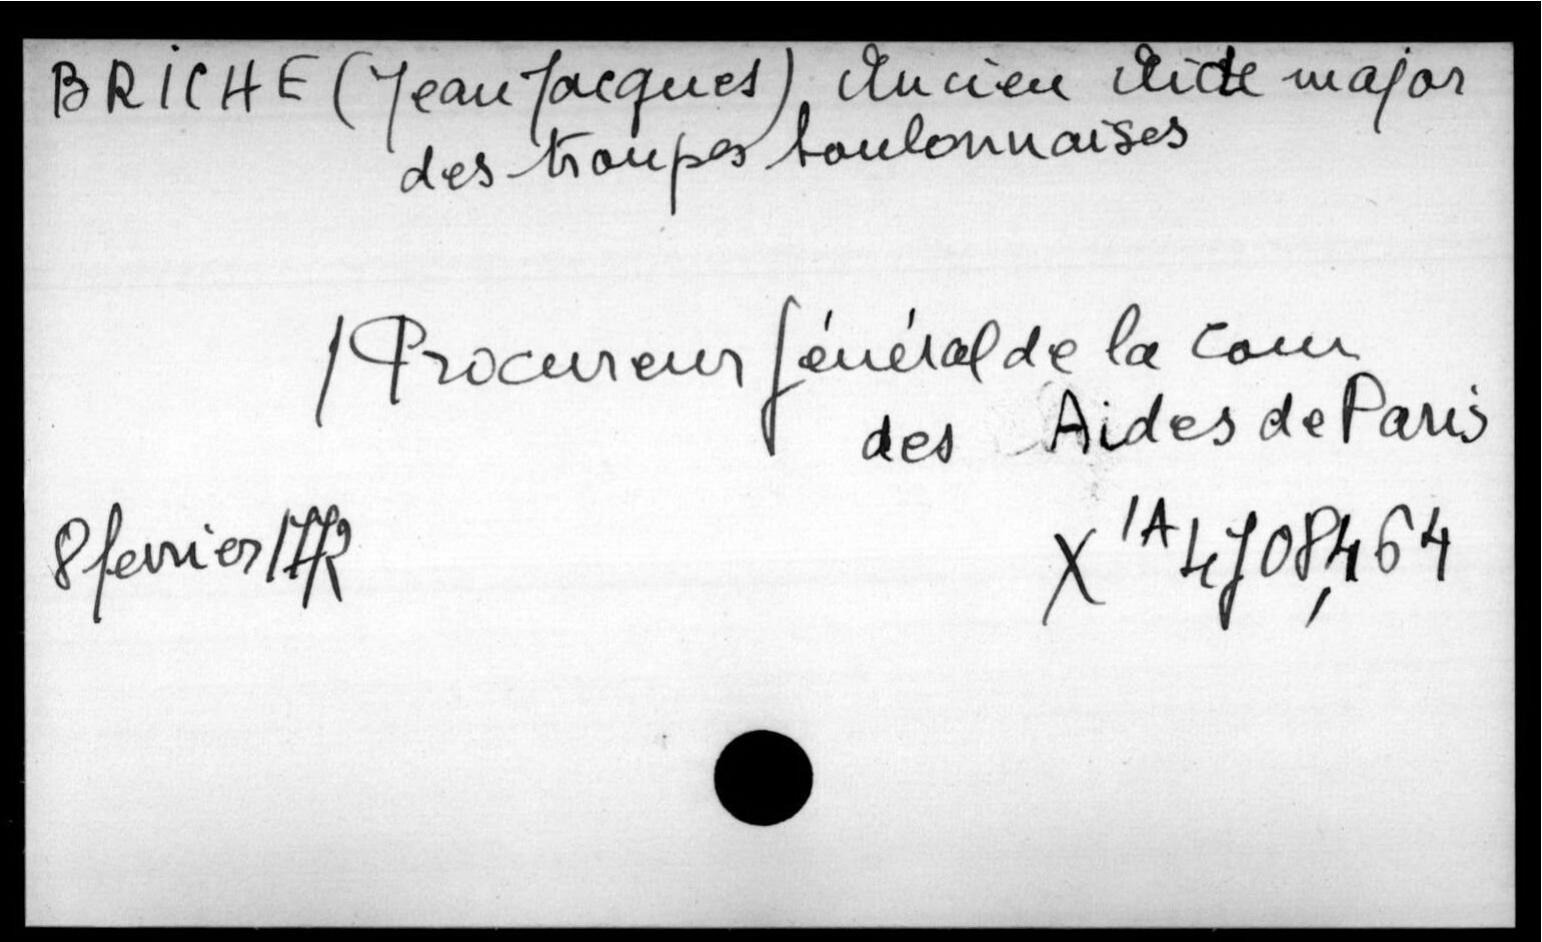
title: BRICHE (Jean Jacques) Ancien Aide major des troupes boulonnaises
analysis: Contre Procureur général de la cour des Aides de Paris
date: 8 février 1772
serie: X1A
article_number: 4708
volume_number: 464
